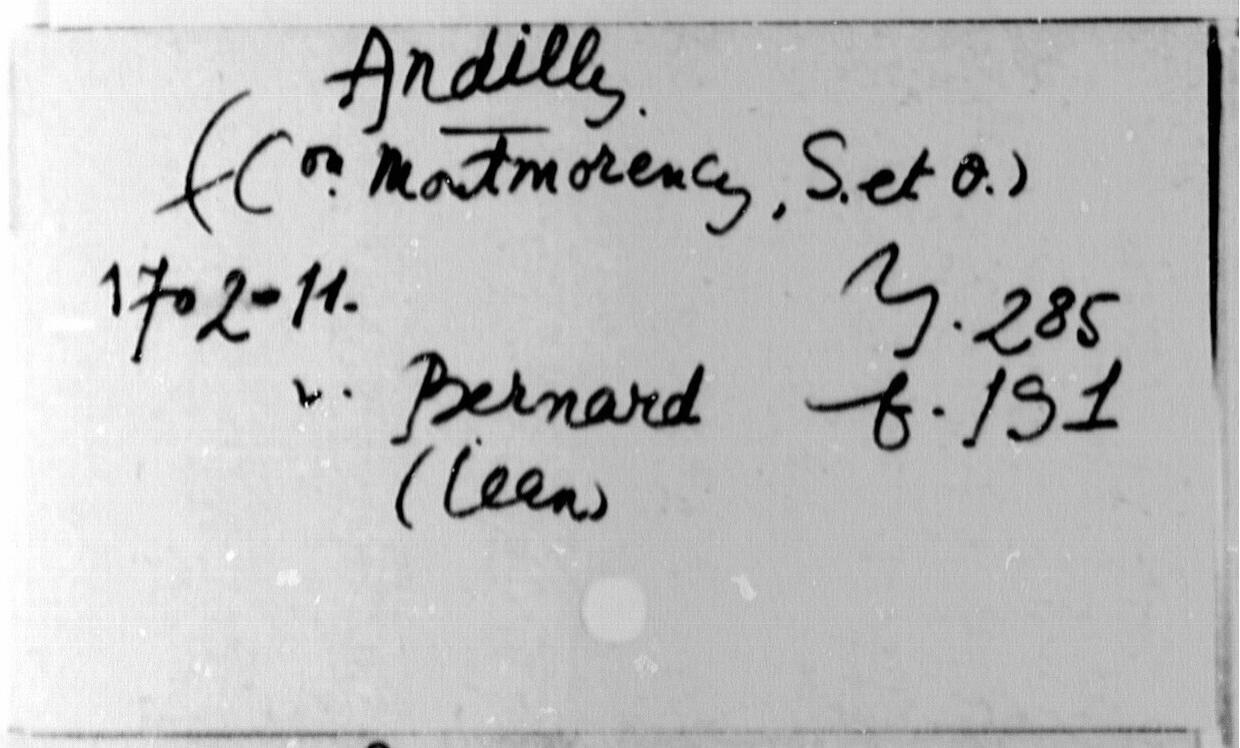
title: ANDILLY (canton de Montmorency, département de Seine-et-Oise)
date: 1702-1711
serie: Y
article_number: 283
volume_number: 191
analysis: Voir BERNARD (Jean)
